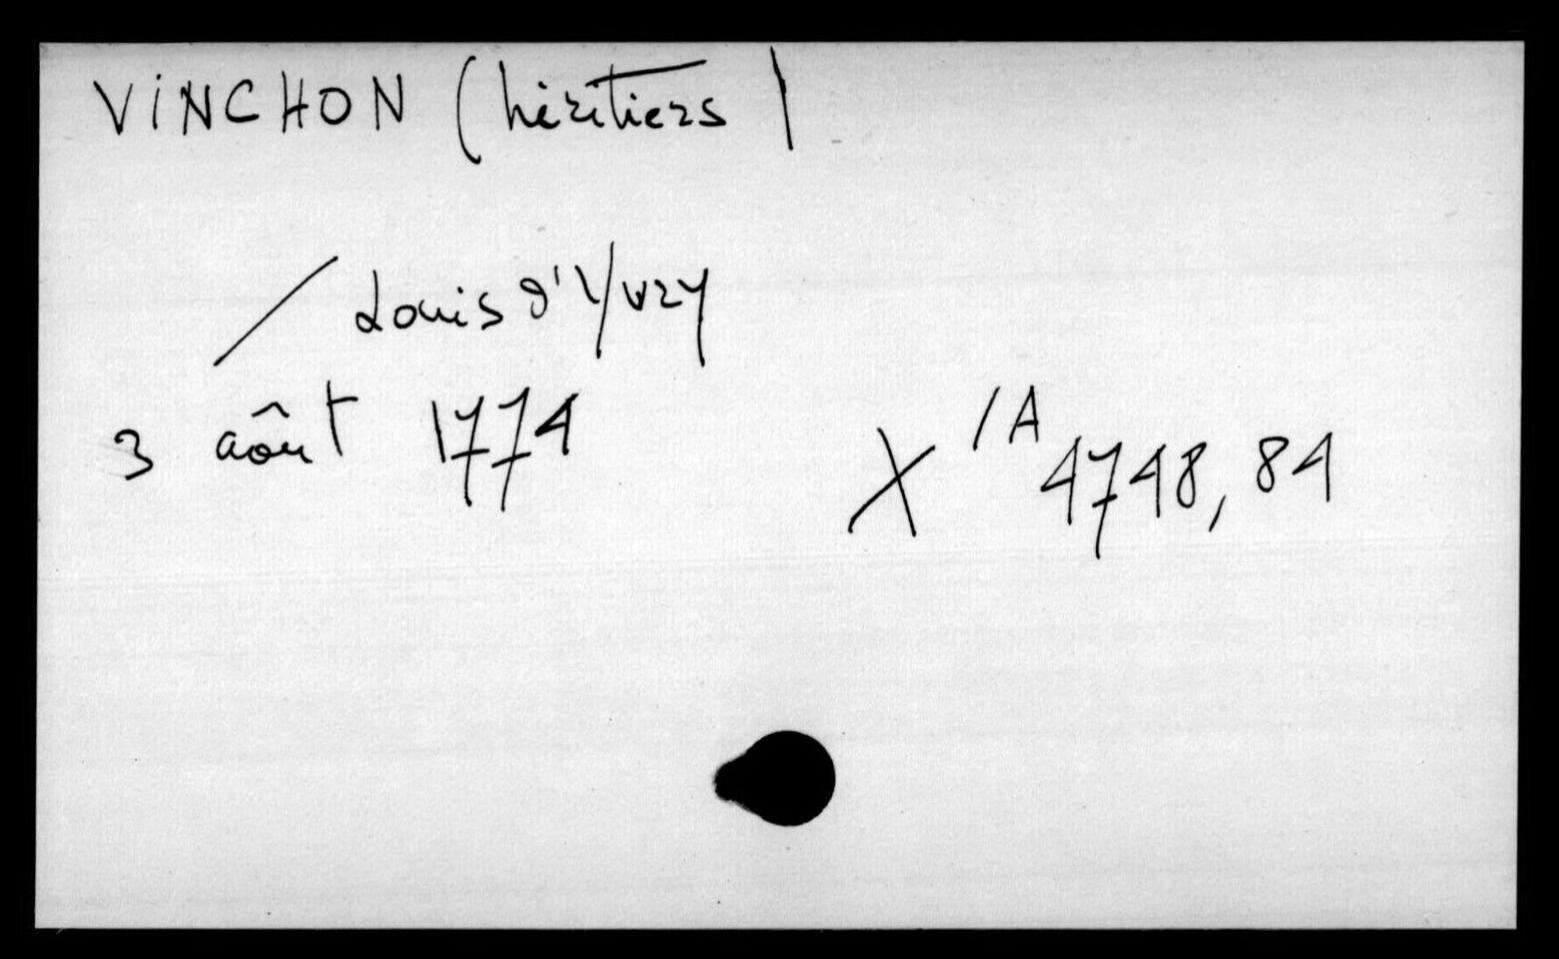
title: VINCHON (héritiers)
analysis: Contre Louis d'Yvry
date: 3 août 1774
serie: X1A
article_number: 4748
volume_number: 84
